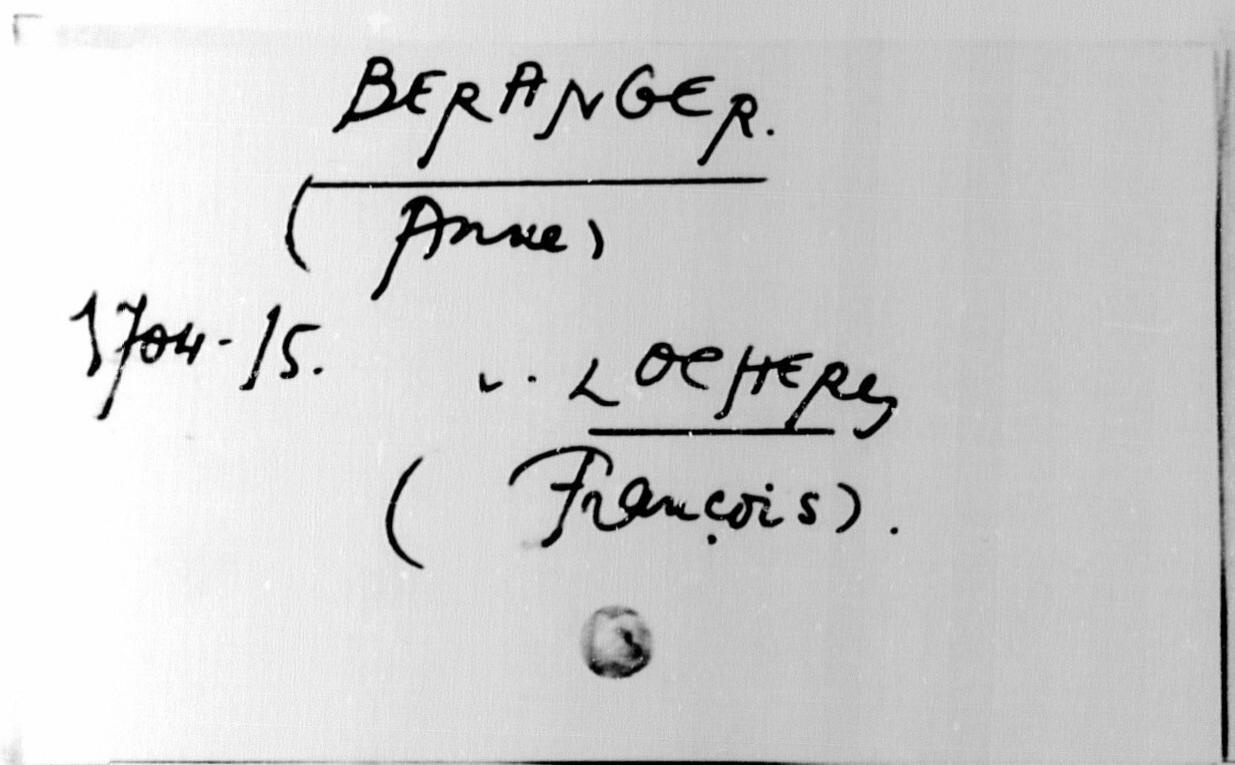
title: BERANGER (Anne)
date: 1704-1715
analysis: Voir : LOCHERY (François)
